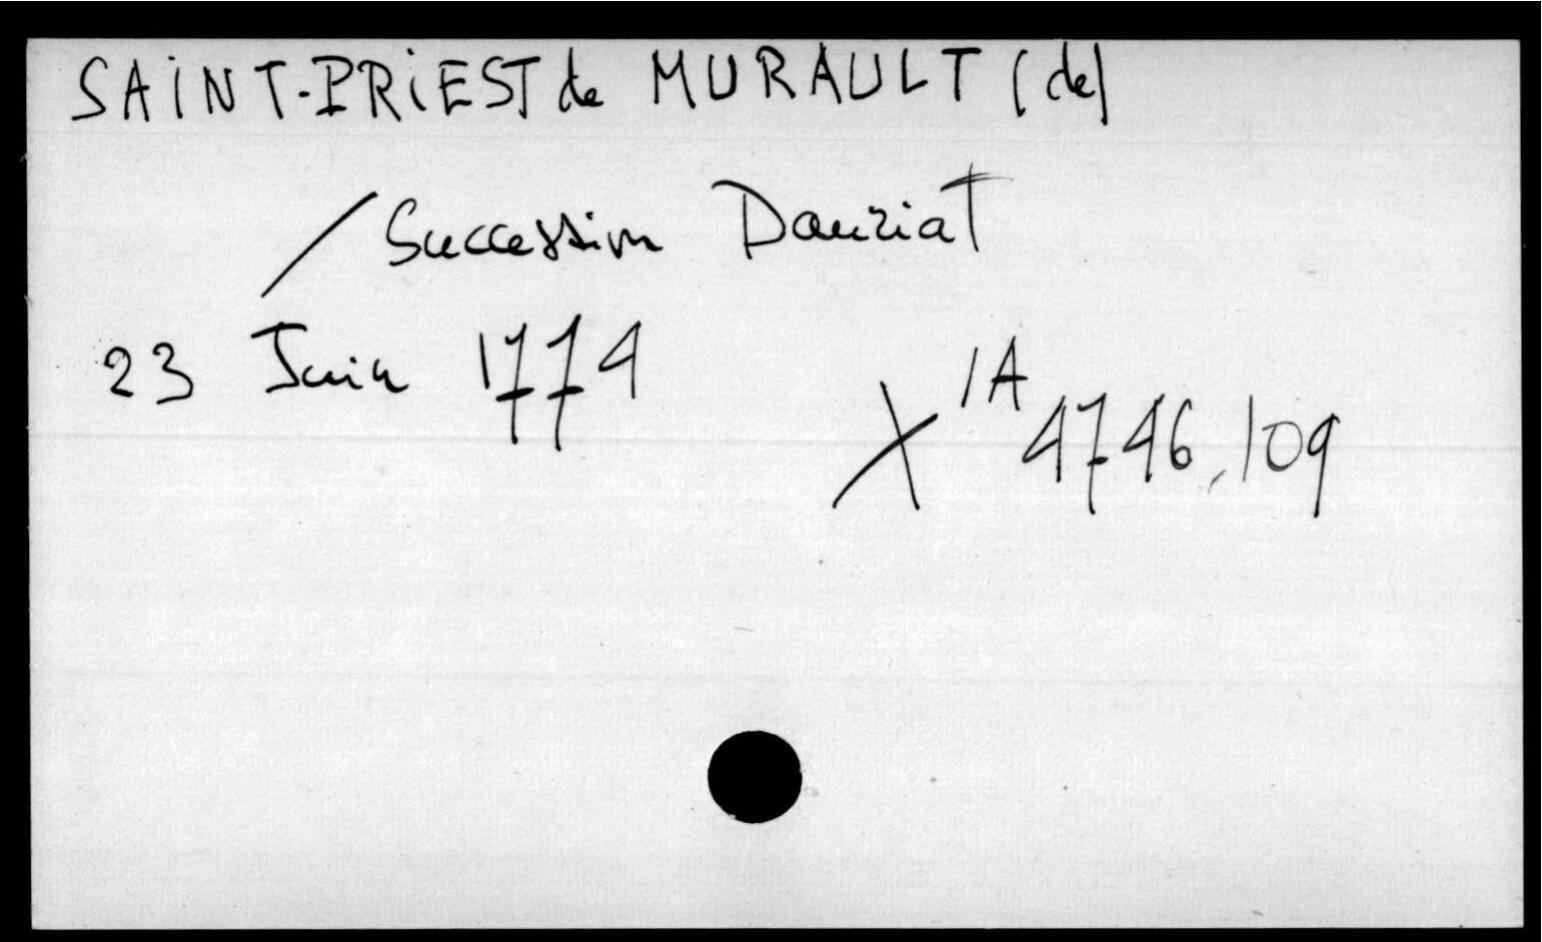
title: SAINT-PRIEST de MURAULT (de)
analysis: Contre Succession Dauriat
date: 23 juin 1774
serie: X1A
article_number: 4746
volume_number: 109
